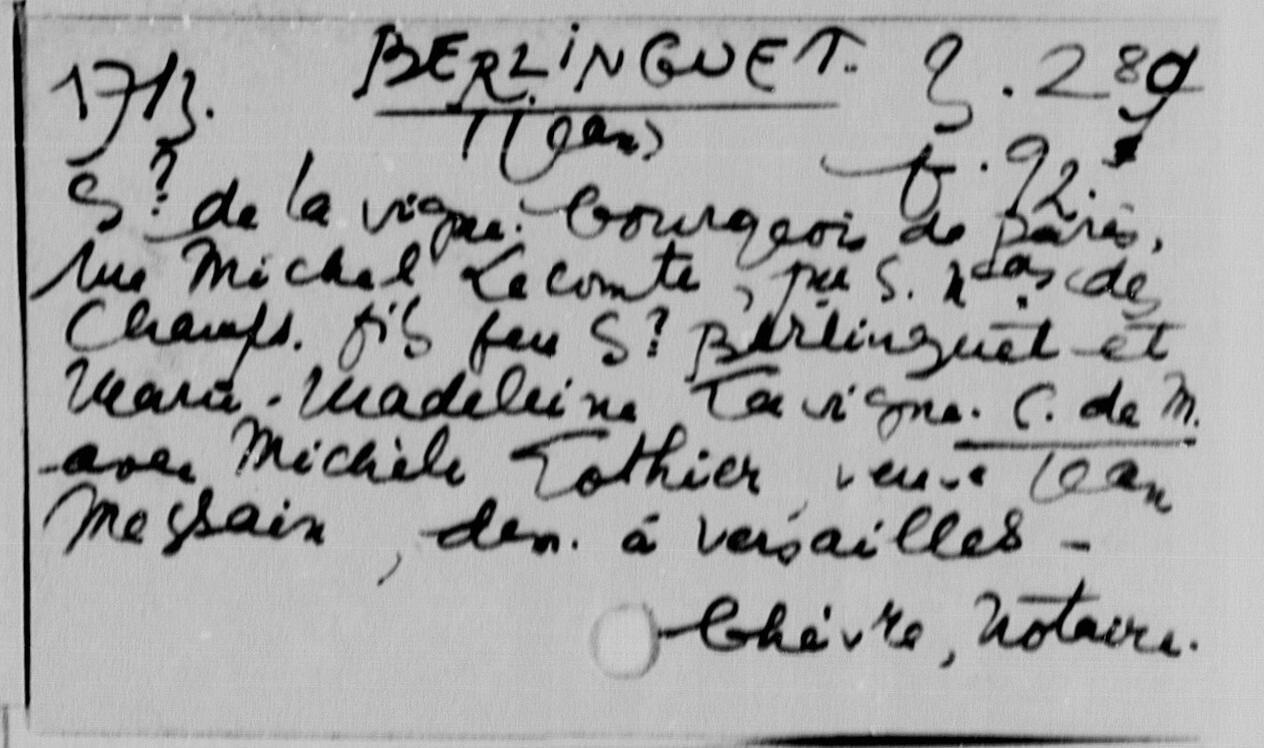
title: BERLINGUET (Jean)
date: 1713
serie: Y
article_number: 289
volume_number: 92
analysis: Seigneur de la Vigne. bourgeois de Paris, rue Michel Lecomte, paroisse Saint-Nicolas-des-Champs. Fils feu sieur Berlinguet et Marie-Madelaine Lavigne. Contrat de mariage avec Michèle Lothier, veuve Jean Messain, demeurant à Versailles. Chèvre, notaire.
